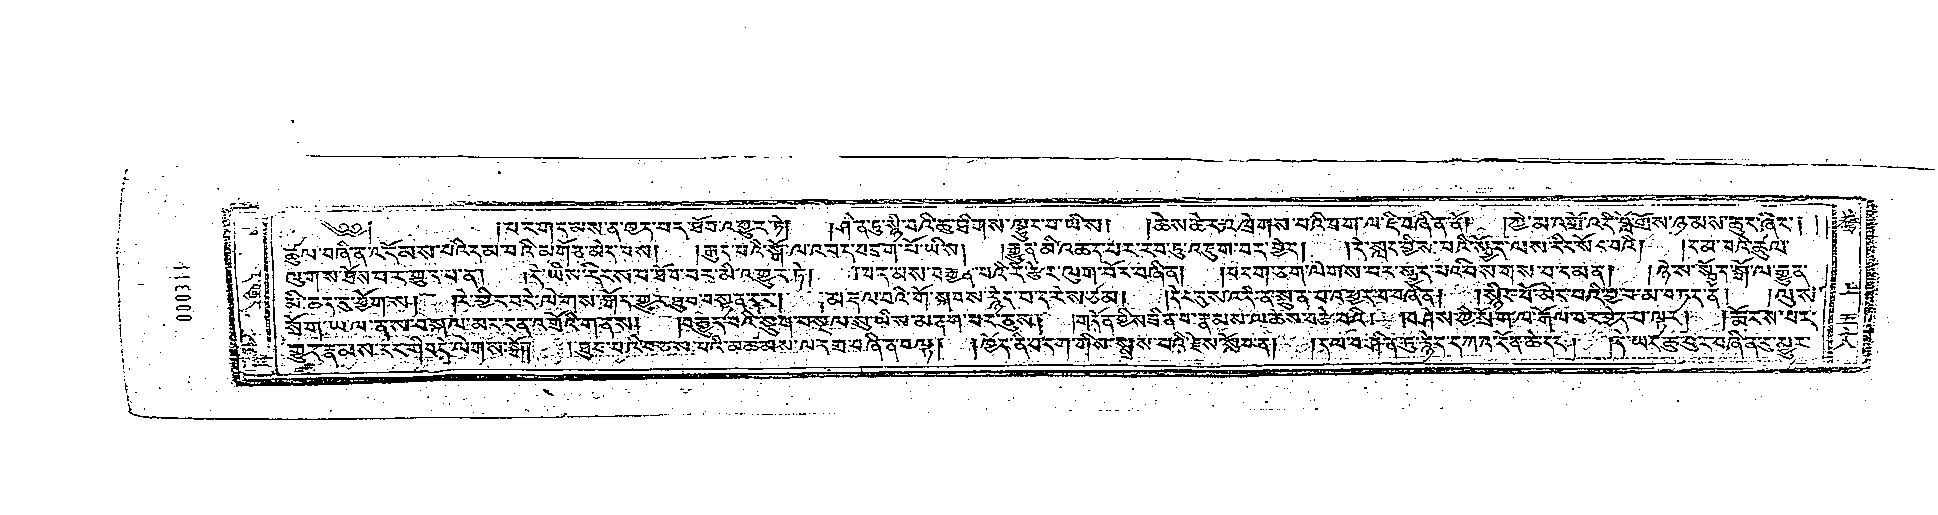༄༅། །པར་གདམས་ན་ཁྱད་པར་ཐོབ་འགྱུར་ཏེ། །ཤིན་ཏུ་སྙི་བའི་ཆུ་ཐིགས་ལྷུང་བ་ཡིས། །ཆེས་ཆེར་འཁྲེགས་པའི་བྲག་ལ་ཇི་བཞིན་ནོ། །ཀྱེ་མ་འགྲོ་འདི་བློ་གྲོས་ཉམས་ཆུང་ཞིང་། །
ཚུལ་བཞིན་འདོམས་པའི་དམ་པའི་མགོན་མེད་པས། །རྒུད་པའི་སྒོ་ལ་འབད་པ་དྲག་པོ་ཡིས། །རྒྱུན་མི་འཆད་པར་རབ་ཏུ་འཇུག་པར་བྱེད། །དེ་སླད་བྱིས་པའི་སྤྱོད་ལས་རིང་སོང་བའི། །དམ་པའི་ཚུལ་
ལུགས་ཐོས་པར་གྱུར་པ་ན། །དེ་ཡིས་རིངས་པ་ཐོབ་པར་མི་འགྱུར་ཏེ། །པད་མས་བརྒྱན་པའི་རི་རྩེར་ལུག་བོར་བཞིན། །བདག་ཅག་ལེགས་པར་སྤྱད་པའི་བསགས་པ་དམན། །ཉེས་སྤྱོད་སྒོ་ལ་རྒྱུན་
མི་ཆད་དུ་ཕྱོགས། །དེ་ཕྱིར་བདེ་ལེགས་སྒོར་གྱུར་ཐུབ་བསྟན་དང་། །མཇལ་བའི་གོ་སྐབས་རྙེད་པ་ད་རེས་ཙམ། །དེང་དུས་འདི་ན་སྦུན་པ་འཕྱར་བ་བཞིན། །སྙིང་པོ་མེད་པའི་བྱ་བ་མ་བཏང་ན། །ལུས་
སྲོག་ཡལ་ནས་བསྐལ་མང་ངན་འགྲོའི་གནས། །བརྒྱུད་པའི་སྡུག་བསྔལ་སུ་ཡིས་མང་པར་ནུས། །གདོན་གྱིས་ཟིན་པ་རྣམས་ལ་ཆེས་བརྩེ་བའི། །བཤེས་ཀྱི་སྲོག་ལ་རྒོལ་བར་བྱེད་པ་ལྟར། །རྨོངས་པར་
གྱུར་རྣམས་དང་གི་བདེ་ལེགས་སྒོ། །ཐུབ་པའི་བཅས་པའི་མཚམས་ལ་དགྲ་བཞིན་བལྟ། །ཁྱོད་ནི་བདག་གིས་སྨྲས་པའི་རྗེས་སློབ་ན། །དལ་བ་ཤིན་ཏུ་རྙེད་དཀའ་དོན་ཆེ་དང་། །དེ་ཡང་ཆུ་བུར་བཞིན་དུ་མྱུར་